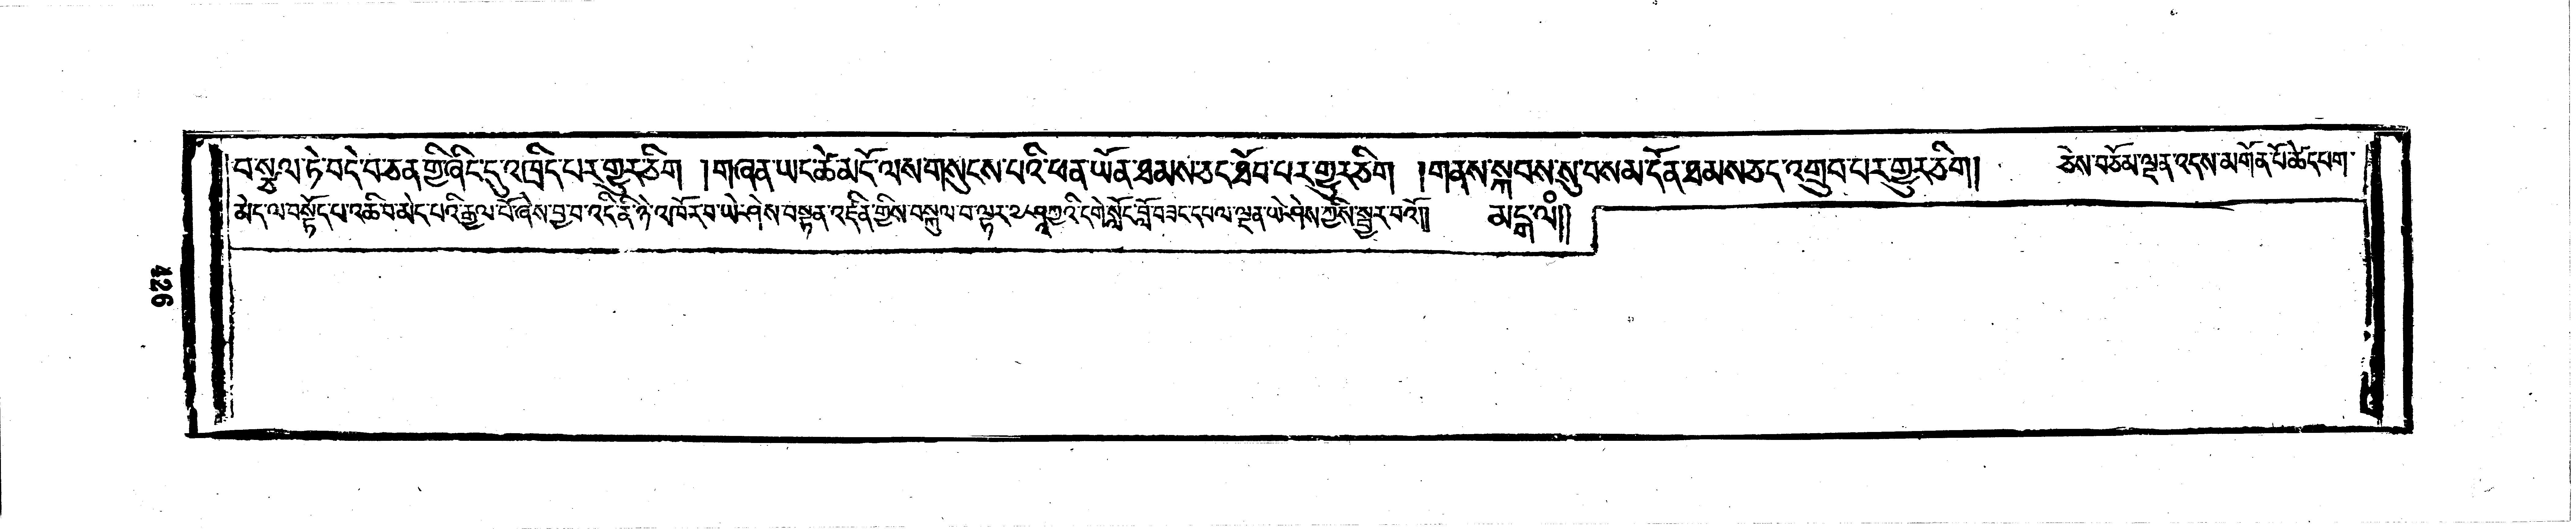བ་སྩལ་ཏེ་བདེ་བ་ཅན་གྱི་ཞིང་དུ་འཁྲིད་པར་གྱུར་ཅིག །གཞན་ཡང་ཚེ་མདོ་ལས་གསུངས་པའི་ཕན་ཡོན་ཐམས་ཅད་ཐོབ་པར་གྱུར་ཅིག །གནས་སྐབས་སུ་བསམ་དོན་ཐམས་ཅད་འགྲུབ་པར་གྱུར་ཅིག། ཅེས་བཅོམ་ལྡན་འདས་མགོན་པོ་ཚེ་དཔག་
མེད་ལ་བསྟོད་པ་འཆི་བ་མེད་པའི་རྒྱལ་པོ་ཞེས་བྱ་བ་འདི་ནི་ཉེ་འཁོར་བ་ཡེ་ཤེས་བསྟན་འཛིན་གྱིས་བསྐུལ་བ་ལྟར་༧་ཤཱཀྱའི་དགེ་སློང་བློ་བཟང་དཔལ་ལྡན་ཡེ་ཤེས་ཀྱིས་སྦྱར་བའོ།། མངྒ་ལཾ།།